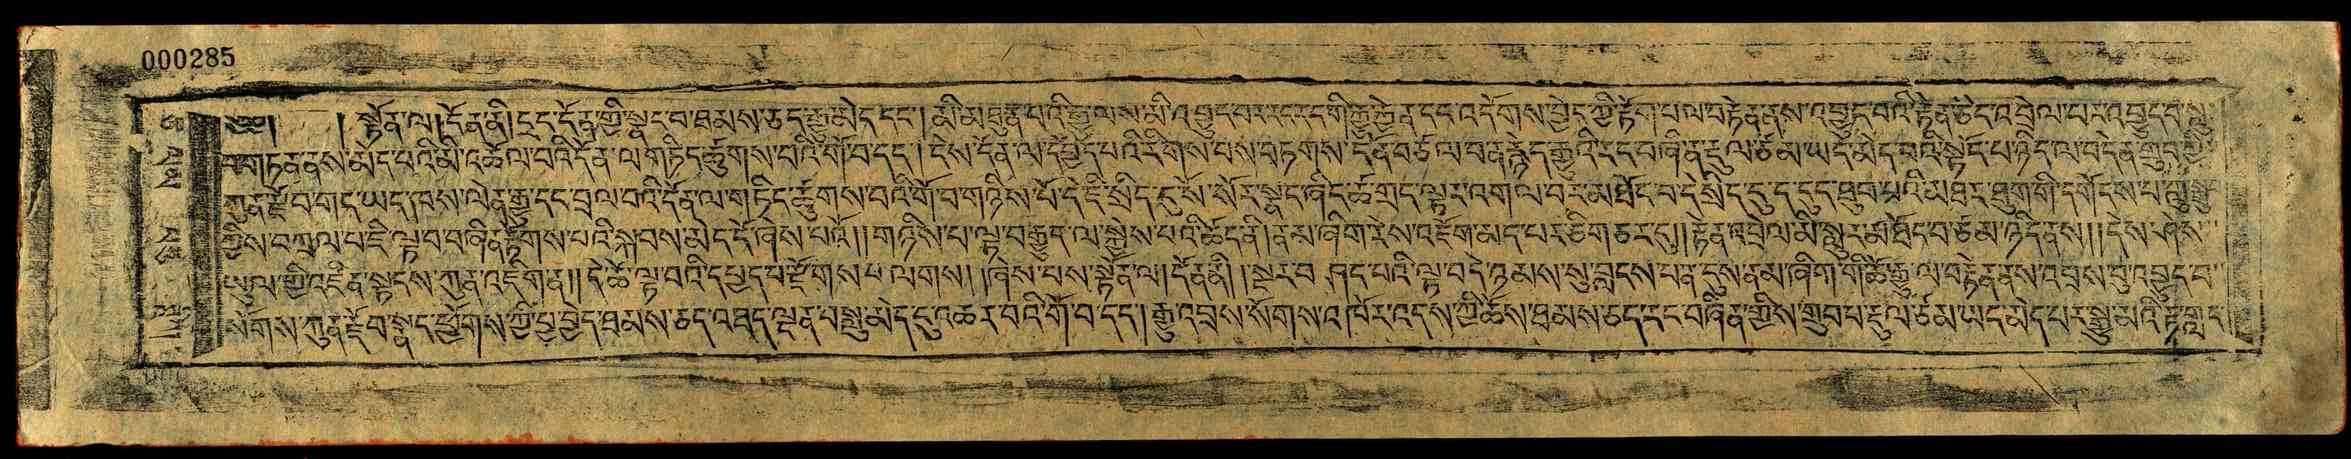༄༅། །སྟོན་ལ། དོན་ནི། དྲང་དོན་གྱི་སྣང་བ་ཐམས་ཅད་རྒྱུ་མེད་དང་། མི་མཐུན་པའི་རྒྱུ་ལས་མི་འབྱུང་བར་རང་རང་གི་རྒྱུ་རྐྱེན་དང་འདོགས་བྱེད་ཀྱི་རྟོག་པ་ལ་བརྟེན་ནས་འབྱུང་བའི་རྟེན་ཅིང་འབྲེལ་བར་འབྱུང་བ་སླུ་
བ་གཏན་ནས་མེད་པའི་མི་འཆོལ་བའི་དོན་ལ་གཏིང་ཚུགས་པའི་གོ་བ་དང་། ངེས་དོན་ལ་དཔྱོད་པའི་རིགས་པས་བཏགས་དོན་བཙལ་བ་ན་རྙེད་རྒྱུའི་རང་བཞིན་རྡུལ་ཙམ་ཡང་མེད་པའི་སྟོང་པ་ཉིད་ལ་བདེན་གྲུབ་ཀྱི་
ཀུན་རྫོབ་གང་ཡང་ཁས་ལེན་རྒྱུ་དང་བྲལ་བའི་དོན་ལ་གཏིང་ཚུགས་པའི་གོ་བ་གཉིས་པོ་དེ་ཇི་སྲིད་དུ་སོ་སོར་སྣང་ཞིང་ཚ་གྲང་ལྟར་འགལ་བར་མཐོང་བ་དེ་སྲིད་དུ་ད་དུང་ཐུབ་པའི་མཐར་ཐུག་གི་དགོངས་པ་ཀླུ་སྒྲུབ་
ཀྱིས་བཀྲལ་བ་ཇི་ལྟ་བ་བཞིན་རྟོགས་པའི་སྐབས་མེད་དོ་ཞེས་པའོ། །གཉིས་པ་ལྟ་བ་རྒྱུད་ལ་སྐྱེས་པའི་ཚད་ནི། ནམ་ཞིག་རེས་འཇོག་མེད་པར་ཅིག་ཅར་དུ། །རྟེན་འབྲེལ་མི་སླུར་མཐོང་བ་ཙམ་ཉིད་ནས། ངེས་ཤེས་
ཡུལ་གྱི་འཛིན་སྟངས་ཀུན་འཇིག་ན། །དེ་ཚེ་ལྟ་བའི་དཔྱད་པ་རྫོགས་པ་ལགས། །ཞེས་པས་སྟན་ལ། དོན་ནི། །སྡུར་བཤད་པའི་ལྟ་བ་དེ་ཉམས་སུ་བླངས་པ་ན་དུས་ནམ་ཞིག་གི་ཚེ་རྒྱུ་ལ་བརྟེན་ནས་འབྲས་བུ་འབྱུང་བ་
སོགས་ཀུན་རྫོབ་སྣང་ཕྱོགས་ཀྱི་བྱ་བྱེད་ཐམས་ཅད་འཐད་ལྡན་བསླུ་མེད་དུ་འཆར་བའི་གོ་བ་དང་། རྒྱུ་འབྲས་སོགས་འཁོར་འདས་ཀྱི་ཆོས་ཐམས་ཅད་རང་བཞིན་གྱིས་གྲུབ་པ་རྡུལ་ཙམ་ཡང་མེད་པར་སྐྱུ་མའི་རྟ་གླང་